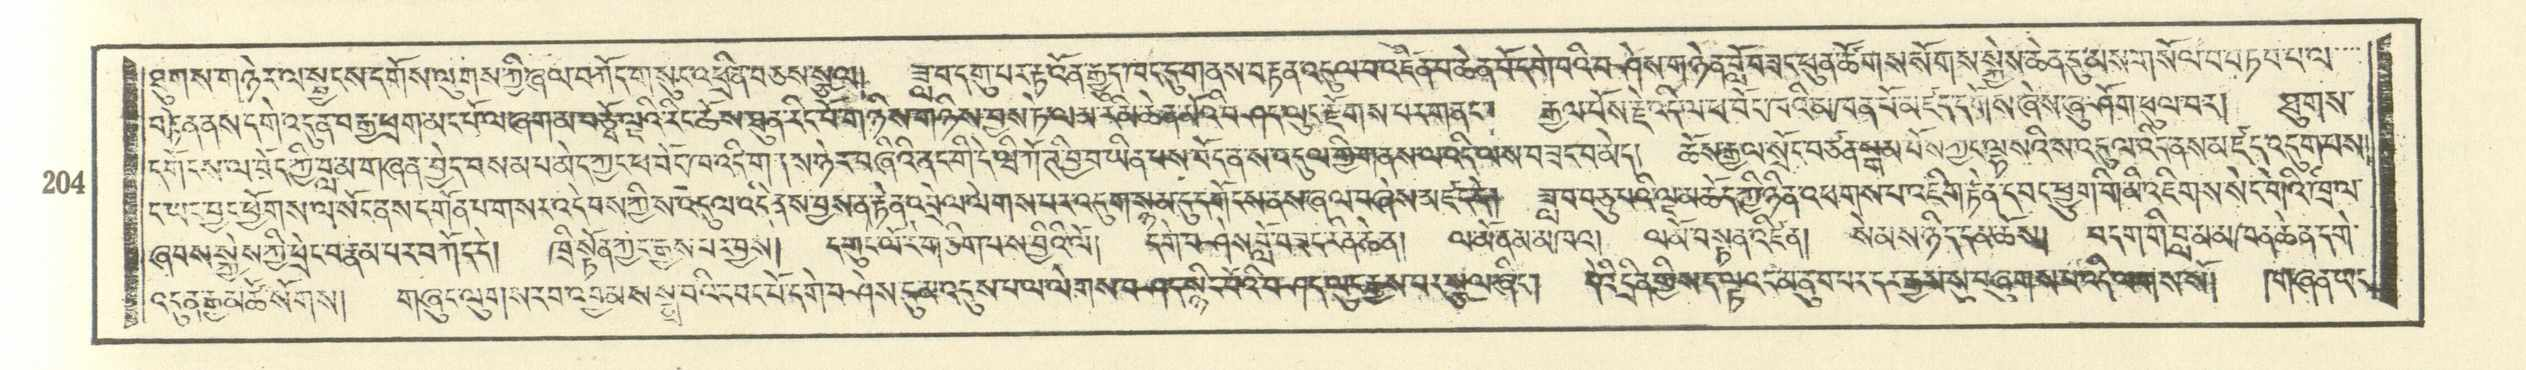ཐུགས་གཉེར་ལ་སྦྱངས་དགོས་ལུགས་ཀྱི་ཞལ་བཀོད་གསུང་འཕྲིན་བཅས་སྩལ། ཟླ་བ་དགུ་པར་རྟ་འོན་རྒྱུད་ཁང་དུ་གནས་བརྟན་འདུལ་བ་འཛིན་པ་ཆེན་པོ་དགེ་བའི་བཤེས་གཉེན་བློ་བཟང་ཕུན་ཚོགས་སོགས་སྐྱེས་ཆེན་དུ་མས་གསོལ་བ་བཏབ་པ་ལ་
བརྟེན་ནས་དགེ་འདུན་བརྒྱ་ཕྲག་མང་པོ་ལ་ཞག་མ་བཅྭོ་ལྔའི་རིང་ཆོས་ཐུན་རིང་པོ་གཉིས་གཉིས་བྱས་ཏེ་ལམ་རིམ་ཆེན་མོའི་བཤད་ལུང་རྫོགས་པར་གནང་། རྒྱལ་བོས་རྗེ་འདི་ལ་ཕ་བོང་ཁའི་མཁན་པོ་མཛད་དགོས་ཞེས་ཞུ་ཤོག་ཕུལ་བར། ཐུགས་
དགོངས་ལ་བོད་ཀྱི་བླ་མ་གཞན་བྱེད་བསམ་པ་མེད་ཀྱང་ཕ་བོང་ཁ་འདི་གནས་ཉེར་བཞིའི་ནང་གི་དེ་ཝི་ཀོ་ཊི་བྱ་བ་ཡིན་པས་བོད་ནས་འདུལ་གྱི་གནས་ལ་འདི་ལས་བཟང་བ་མེད། ཆོས་རྒྱལ་སྲོང་བཙན་སྒམ་པོས་ཀྱང་ལྷ་སའི་ས་འདུལ་འདི་ནས་མཛད་འདུག་པས།
ང་ཡང་བྱང་ཕྱོགས་ལ་སོང་ནས་དགོན་པ་གསར་འདེབས་ཀྱིས་འདུལ་འདི་ནས་བྱས་ན་རྟེན་འབྲེལ་ལེགས་པར་འདུག་སྙམ་དུ་དགོངས་ནས་ཞལ་བཞེས་མཛད་དེ། ཟླ་བ་བཅུ་པའི་ལྔ་མཆོད་ཀྱི་ཉིན་འཕགས་པ་འཇིག་རྟེན་དབང་ཕྱུག་གི་མི་འཇིགས་སེང་གེའི་ཁྲི་ལ་
ཞབས་སྐྱེས་ཀྱི་ཕྲེང་པ་རྣམ་པར་བཀོད་དེ། ཁྲི་སྟོན་ཀྱང་རྒྱས་པར་བྱས། དགུང་ལོ་རེ་གཅིག་པ་ས་བྱིའི་ལོ། དགེ་བཤེས་བློ་བཟང་རིན་ཆེན། ལ་མོ་ནམ་མཁའ། ལ་མོ་བསྟན་འཛིན། སེམས་ཉིད་དམ་ཆོས། བདག་གི་བླ་མ་མཁན་ཆེན་དགེ་
འདུན་རྒྱ་མཚོ་སོགས། གཞུང་ལུགས་རབ་འབྱམས་སྨྲ་བའི་དབང་པོ་དགེ་བཤེས་དུ་མ་འདུས་པ་ལ་ལེགས་བཤད་སྙིང་པོའི་བཤད་ལུང་རྒྱས་པར་སྩལ་ཞིང་། དེའི་དྲིན་གྱིས་ད་ལྟའང་མ་ནུབ་པར་དར་རྒྱས་སུ་བཞུགས་པ་འདི་ལགས་སོ། །གཞན་ཡང་